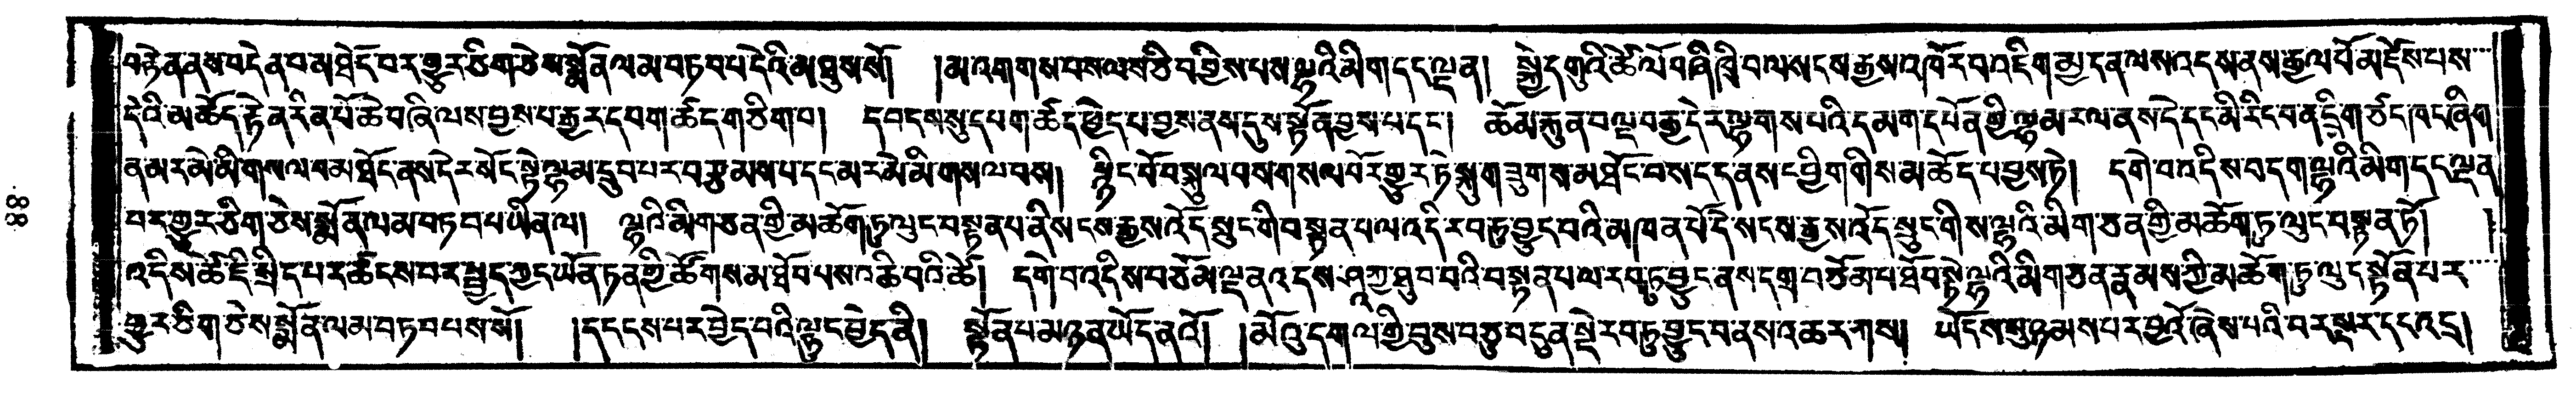བརྟེན་ནས་བདེན་པ་མཐོང་བར་གྱུར་ཅིག་ཅེས་སྨོན་ལམ་བཏབ་པ་དེའི་མཐུས་སོ། །མ་འགགས་བས་ལས་ཅི་བྱིས་པས་ལྷའི་མིག་དང་ལྡན། སྐྱེ་དགུའི་ཚེ་ལོ་བཞི་ཁྲི་བ་ལ་སངས་རྒྱས་འཁོར་བ་འཇིག་མྱ་ངན་ལས་འདས་ནས་རྒྱལ་པོ་མཛེས་པས་
དེའི་མཆོད་རྟེན་རིན་པོ་ཆེ་བཞི་ལས་བྱས་པ་རྒྱར་དཔག་ཚད་གཅིག་པ། དབངས་སུ་དཔག་ཚད་ཕྱེད་པ་བྱས་ནས་དུས་སྟོན་བྱས་པ་དང་། ཆོམ་རྐུན་བླྔ་བརྒྱ་དེར་ལྷགས་པའི་དམག་དཔོན་གྱི་ལྷམ་རལ་ནས་དེ་དང་མི་རིང་བ་ན་དྲི་གཙང་ཁང་ཞིག་
ན་མར་མེ་མི་གསལ་བ་མཐོང་ནས་དེར་སོང་སྟེ་ལྷམ་དྲུབ་པར་བརྩམས་པ་དང་མར་མེ་མི་གསལ་བས། སྙིང་བོ་བསྐུལ་བས་གསལ་པོར་གྱུར་ཏེ་སྐུ་གཟུགས་མཐོང་བས་དད་ནས་དབྱིག་གིས་མཆོད་པ་བྱས་ཏེ། དགེ་བ་འདིས་བདག་ལྷའི་མིག་དང་ལྡན་
བར་གྱུར་ཅིག་ཅེས་སྨོན་ལམ་བཏབ་པ་ཡིན་ལ། ལྷའི་མིག་ཅན་གྱི་མཆོག་ཏུ་ལུང་བསྟན་པ་ནི་སངས་རྒྱས་འོད་སྲུང་གི་བསྟན་པ་ལ་འདི་རབ་ཏུ་བྱུང་བའི་མཁན་པོ་དེ་སངས་རྒྱས་འོད་སྲུང་གིས་ལྷའི་མིག་ཅན་གྱི་མཆོག་ཏུ་ལུང་བསྟན་ཏོ། །
འདིས་ཚེ་ཇི་སྲིད་པར་ཚངས་བར་སྤྱད་ཀྱང་ཡོན་ཏན་གྱི་ཚོགས་མ་ཐོབ་པས་འཆི་བའི་ཚེ། དགེ་བ་འདིས་བཅོམ་ལྡན་འདས་ཤཱཀྱ་ཐུབ་བའི་བསྟན་པ་ལ་རབ་ཏུ་བྱུང་ནས་དགྲ་བཅོམ་པ་ཐོབ་སྟེ་ལྷའི་མིག་ཅན་རྣམས་ཀྱི་མཆོག་ཏུ་ལུང་སྟོན་པར་
གྱུར་ཅིག་ཅེས་སྨོན་ལམ་བཏབ་པས་སོ། །དངངས་པར་བྱེད་པའི་ལྟུང་བྱེད་ནི། སྟོན་པ་མཉན་ཡོད་ནའོ། །མོའུ་དགལ་གྱི་བུས་བཅུ་བདུན་སྡེ་རབ་ཏུ་བྱུང་བ་ནས་འཆར་ཀས། ཡོངས་སུ་ཉམས་པར་བྱའོ་ཞེས་པའི་བར་སྔར་དང་འདྲ།